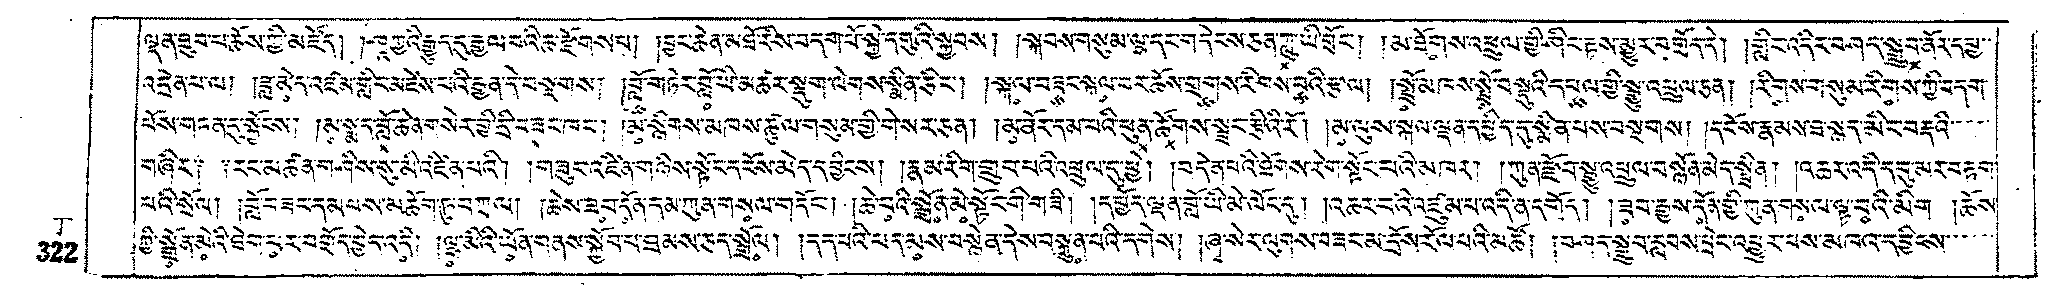ལྡན་ཐུབ་པ་ཆོས་ཀྱི་མཛོད། །ཤཱཀྱའི་རྒྱུད་དུ་རྒྱལ་བའི་ཆ་རྫོགས་པ། །བྱང་ཆེན་མཐོ་རིས་བདག་པོ་སྐྱེ་དགུའི་སྐྱབས། །སྐབས་གསུམ་ལྷ་དང་གདེངས་ཅན་ཀླུ྾་ཡི་གྲོང་། །མ་ཐོགས྾་འཕྲུལ་གྱི་ཤིང་རྟས་མྱུར་བགྲོད་དེ། །གླིང་འདིར་བཤད་སྒྲུབ་ནོར་དཔྱ་་་
འདྲེན་པ་ལ། །ཟླ་མེད྾་འཛམ་གླིང་མཛེས་པའི་རྒྱན་དེ་བསྔགས། །བློ་གཏེར་བློ྾་ཡི་མཚར་སྡུག་ལེགས་སྨིན་ཅིང་། །སྐལ྾་བཟང་སྐལ྾་བར་ཆོས་གྲགས་རིགས་པའི་རྩལ། །སྤྲོ྾་མཁས་སྤྲོ྾་བསྡུའི་དཔལ་གྱི་སྒྱུ་འཕྲུལ་ཅན། །རིགས྾་གསུམ་རིགས྾་ཀྱི་བདག་
པོས་གཏན་དུ་སྐྱོངས། །མ྾་སྨད་བློ྾་ཆེན་གསེར་གྱི་དྲི་བཟང་ཁང་། །མ྾་སྙིགས་མཁས་ཚུལ་གསུམ་གྱི་གེ་སར་ཅན། །མ྾་ནོར་དམ་པའི་ཕུན྾་ཚོགས྾་སྦྲང་རྩིའི་རོ། །མ྾་ལུས་སྐལ་ལྡན་དཔྱིད་དུ་སྨིན་པས་བསྔགས། །དངོས་རྣམས་ཐ་སྙད་མིང་བརྡའི་་་
གཞིར༑ ༑རང་མཚན་གཤིས་སུ་མི་འཛིན་པའི། །གཟུང་འཛིན་གཉིས་སྟོང་དངོས་མེད་དབྱིངས། །རྣམ་རིག་གྲུབ་པའི་འཕྲུལ་དུ་ཕྱེ། །བདེན་པའི་ཐོགས་རེག་སྟོང་པའི་མཁར། །ཀུན་རྫོབ་སྒྱུ་འཕྲུལ་བསྙོན་མེད་སྤྲིན། །འཆར་འདི་དབུ་མར་བརྟག་
པའི་སྲོལ། །བློ་བཟང་དམ་པས་མཆོག་ཏུ་བཀྲལ། །ཆེས་ཟབ྾་དོན྾་དམ་ཀུན་གསལ྾་གདོང་། །ཆེ་བའི྾་སྒྲོན྾་མེ྾་སྟོང་གི་གཟི། །དཔྱོད་ལྡན་བློ་ཡི་མེ་ལོང་དུ། །འཆར་བའི་འཛུམ་པ་འདི་ན་དགོད། །ཟབ྾་རྒྱས་དོན྾་གྱི་ཀུན་གསལ྾་ལྟ་བའི྾་མིག །ཆོས་
ཀྱི་སྒྲོན྾་མེའི྾་ཐེག་པར྾་བགྲོད་བྱེད་འདི྾། །ལྷ྾་མིའི྾་ཡོན྾་གནས་སྐྱོབ་པ་ཐམས་ཅད་སྒྲོལ྾། །དད་པའི་པད་མས྾་བསྙེན་དེས་བསྐྲུན྾་པའི་དགེས། །ཞྭ་སེར་ལུགས་བཟང་མ་དྲོས་རོལ་པའི་མཚོ། །བཤད་སྒྲུབ་རླབས་ཕྲེང་འཕྱུར་པས་མཁའ་དབྱིངྶ་་་